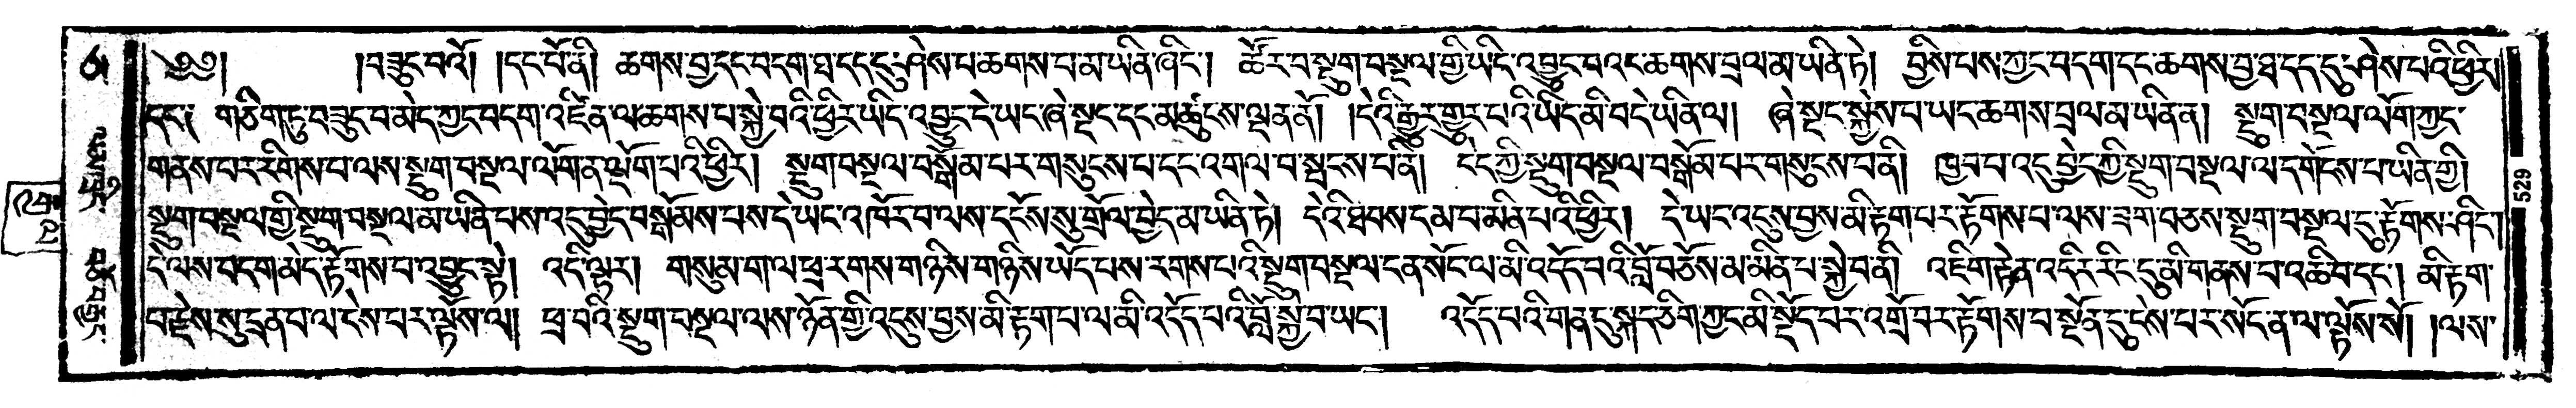༄༅། །བཟུང་བའོ། །དང་པོ་ནི། ཆགས་བྱ་དང་བདག་ཐ་དད་དུ་ཤེས་པ་ཆགས་པ་མ་ཡིན་ཞིང་། ཚོར་བ་སྡུག་བསྔལ་གྱི་ཡིད་འབྱུང་བའང་ཆགས་བྲལ་མ་ཡིན་ཏེ། བྱིས་པས་ཀྱང་བདག་དང་ཆགས་བྱ་ཐ་དད་དུ་ཤེས་པའི་ཕྱིར་
དང་། གཅིག་ཏུ་བཟུང་བ་མེད་ཀྱང་བདག་འཛིན་ལ་ཆགས་པ་སྐྱེ་བའི་ཕྱིར་ཡིད་འབྱུང་དེ་ཡང་ཞེ་སྡང་དང་མཚུངས་ལྡན་ནོ། །དེའི་རྒྱུར་གྱུར་པའི་ཡིད་མི་བདེ་ཡིན་ལ། ཞེ་སྡང་སྐྱེས་པ་ཡང་ཆགས་བྲལ་མ་ཡིན་ན། སྡུག་བསྔལ་ལོག་ཀྱང་
གནས་པར་རིགས་པ་ལས་སྡུག་བསྔལ་ལོག་ན་ལྡོག་པའི་ཕྱིར། སྡུག་བསྔལ་བསྒོམ་པར་གསུངས་པ་དང་འགལ་བ་སྤངས་པ་ནི། ངེད་ཀྱི་སྡུག་བསྔལ་བསྒོམ་པར་གསུངས་པ་ནི། ཁྱབ་པ་འདུ་བྱེད་ཀྱི་སྡུག་བསྔལ་ལ་དགོངས་པ་ཡིན་གྱི།
སྡུག་བསྔལ་གྱི་སྡུག་བསྔལ་མ་ཡིན་པས་འདུ་བྱེད་བསྒོམས་པས་དེ་ཡང་འཁོར་བ་ལས་དངོས་སུ་གྲོལ་བྱེད་མ་ཡིན་ཏེ། དེའི་ཐབས་དམ་པ་མིན་པའི་ཕྱིར། དེ་ཡང་འདུས་བྱས་མི་རྟག་པར་རྟོགས་པ་ལས་ཟག་བཅས་སྡུག་བསྔལ་དུ་རྟོགས་ཤིང་།
དེ་ལས་བདག་མེད་རྟོགས་པ་འབྱུང་སྟེ། འདི་ལྟར། གསུམ་ག་ལ་ཕྲ་རགས་གཉིས་གཉིས་ཡོད་པས་རགས་པའི་སྡུག་བསྔལ་ངན་སོང་ལ་མི་འདོད་པའི་བློ་བཅོས་མ་མིན་པ་སྐྱེ་བ་ནི། འཇིག་རྟེན་འདིར་རིང་དུ་མི་གནས་པ་འཆི་བ་དང་། མི་རྟག་
པ་རྗེས་སུ་དྲན་པ་ལ་ངེས་པར་ལྟོས་ལ། ཕྲ་བའི་སྡུག་བསྔལ་ལས་ཉོན་གྱི་འདུས་བྱས་མི་རྟག་པ་ལ་མི་འདོད་པའི་བློ་སྐྱེ་བ་ཡང་། འདོད་པའི་གན་དུ་སྐད་ཅིག་ཀྱང་མི་སྡོད་པར་འགྲོ་བར་རྟོགས་པ་སྔོན་དུ་ངེས་པར་སོང་ན་ལ་ལྟོས་སོ། །ལས་